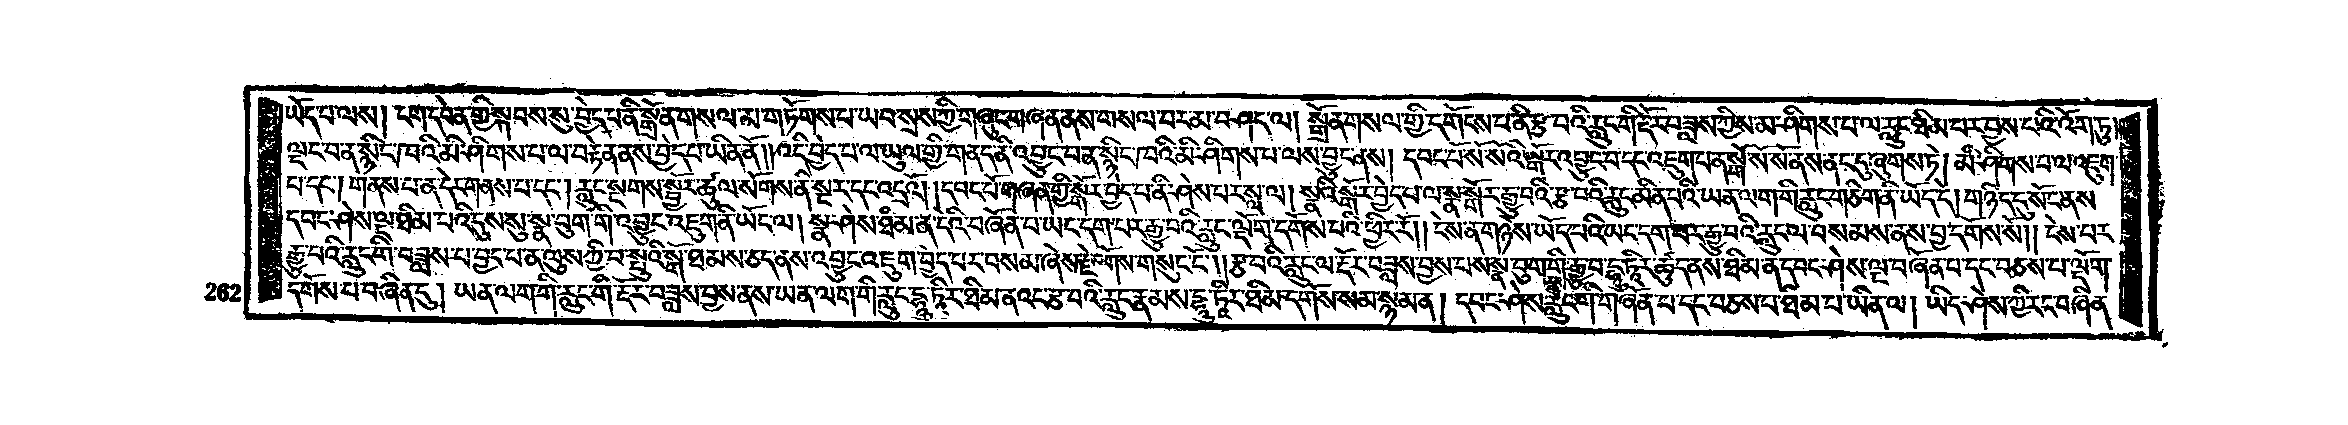ཡོད་པ་ལས། ངག་དབེན་གྱི་སྐབས་སུ་བྱེད་པ་ནི་སྒྲོན་གསལ་མ་གཏོགས་པ་ཡབ་སྲས་ཀྱི་གཞུང་གཞན་ནས་གསལ་བར་མ་བཤད་ལ། སྒྲོན་གསལ་གྱི་དགོངས་པ་ནི་རྩ་བའི་རླུང་གི་རྡོར་བཟླས་ཀྱིས་མ་ཤིགས་པ་ལ་རླུང་ཐིམ་པར་བྱས་པའི་འོག་ཏུ་
ལྡང་བ་ན་སྙིང་ཁའི་མི་ཤིགས་པ་ལ་བརྟེན་ནས་བྱེད་པ་ཡིན་ནོ། །འདི་བྱེད་པ་ལ་ཡུལ་གྱི་གནད་ནི་འབྱུང་བ་ན་སྙིང་ཁའི་མི་ཤིགས་པ་ལས་བྱུང་ནས། དབང་པོ་སོ་སོའི་སྒོར་འབྱུང་བ་དང་འཇུག་པ་ན་སྒོ་སོ་སོ་ནས་ནང་དུ་ཞུགས་ཏེ། མི་ཤིགས་པ་ལ་འཇུག་
པ་དང་། གནས་པ་ན་དེར་གནས་པ་དང་། རླུང་སྔགས་སྦྱོར་ཚུལ་སོགས་ནི་སྔར་དང་འདྲའོ། །དབང་པོ་གཞན་གྱི་སྒོར་བྱེད་པ་ནི་ཤེས་པར་སླ་ལ། སྣའི་སྒོར་བྱེད་པ་ལ་སྣ་སྒོར་རྒྱུ་བའི་རྩ་བའི་རླུང་མིན་པའི་ཡན་ལག་གི་རླུང་གཅིག་ནི་ཡོད་དེ། གཉིད་དུ་སོང་ནས་
དབང་ཤེས་ལྔ་ཐིམ་པའི་དུས་སུ་སྣ་བུག་གི་འབྱུང་འཇུག་ནི་ཡོང་ལ། སྣ་ཤེས་ཐིམ་ན་དེའི་བཞོན་པ་ཡང་དག་པར་རྒྱུ་བའི་རླུང་ལྡོག་དགོས་པའི་ཕྱིར་རོ། །ངེས་ན་གཉེས་ཡོད་པའི་ཡང་དག་པར་རྒྱུ་བའི་རླུང་ལ་བསམས་ནས་བྱ་དགོས་སོ། །ངེས་པར་
རྒྱུ་པའི་རླུང་གི་བཟླས་པ་བྱད་པ་ན་ལུས་ཀྱི་བ་སྤུའི་སྒོ་ཐམས་ཅད་ནས་འབྱུང་འཇུག་བྱེད་པར་བསམ་ཞེས་རྗེ་འགོས་གསུང་ངོ། །རྩ་བའི་རླུང་ལ་རྡོར་བཟླས་བྱས་པས་སྣ་བུག་རླུང་གི་རྒྱུ་བ་དྷཱུ་ཏཱིར་ཚུད་ནས་ཐིམ་ན་དབང་ཤེས་ལྔ་བཞོན་པ་དང་བཅས་པ་ལྡོག་
དགོས་པ་བཞིན་དུ། ཡན་ལག་གི་རླུང་གི་རྡོར་བཟླས་བྱས་ནས་ཡན་ལག་གི་རླུང་དྷཱུ་ཏཱིར་ཐིམ་ནའང་རྩ་བའི་རླུང་རྣམས་དྷཱུ་ཏཱིར་ཐིམ་དགོས་སམ་སྙམ་ན། དབང་ཤེས་རླུང་གི་གཞོན་པ་དང་བཅས་པ་ཐིམ་པ་ཡིན་ལ། ཡིད་ཤེས་ཀྱི་རང་བཞིན་